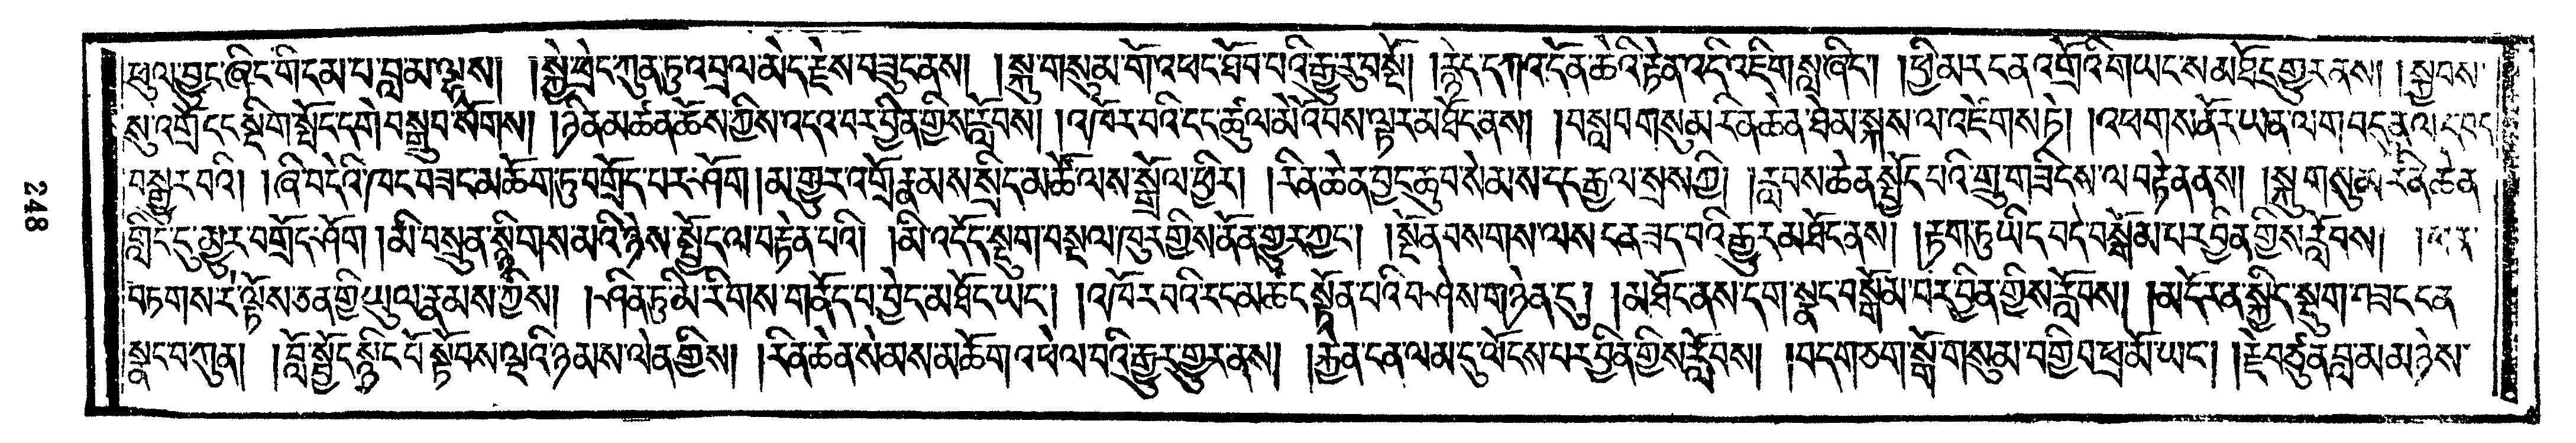ཕུལ་བྱུང་ཞིང་གི་དམ་པ་བླ་མ་ལྷས། །སྐྱེ་ཕྲེང་ཀུན་ཏུ་འབྲལ་མེད་རྗེས་བཟུངས་ནས། །སྐུ་གསུམ་གོ་འཕང་ཐོབ་པའི་རྒྱུ་རུ་བསྔོ། །རྙེད་དཀའ་དོན་ཆེའི་རྟེན་འདི་འཇིག་སླ་ཞིང་། །ཕྱི་མར་ངན་འགྲོའི་གཡང་ས་མཐོང་གྱུར་ནས། །སྐྱབས་
སུ་འགྲོ་དང་སྡིག་སྤོང་དགེ་བསྒྲུབ་སོགས། །ཉིན་མཚན་ཆོས་ཀྱིས་འདའ་བར་བྱིན་གྱིས་རློབས། །འཁོར་བའི་ངང་ཚུལ་མེ་འོབས་ལྟར་མཐོང་ནས། །བསླབ་གསུམ་རིན་ཆེན་ཐེམ་སྐས་ལ་འཛེགས་ཏེ། །འཕགས་ནོར་ཡན་ལག་བདུན་ལ་དབང་
བསྒྱུར་བའི། །ཞི་བདེའི་ཁང་བཟང་མཆོག་ཏུ་བགྲོད་པར་ཤོག །མ་གྱུར་འགྲོ་རྣམས་སྲིད་མཚོ་ལས་སྒྲོལ་ཕྱིར། །རིན་ཆེན་བྱང་ཆུབ་སེམས་དང་རྒྱལ་སྲས་ཀྱི། །རླབས་ཆེན་སྤྱོད་པའི་གྲུ་གཟིངས་ལ་བརྟེན་ནས། །སྐུ་གསུམ་རིན་ཆེན་
གླིང་དུ་མྱུར་བགྲོད་ཤོག །མི་བསྲུན་སྙིགས་མའི་ཉེས་སྤྱོད་ལ་བརྟེན་པའི། །མི་འདོད་སྡུག་བསྔལ་ཁུར་གྱིས་ནོན་གྱུར་ཀྱང་། །སྔོན་བསགས་ལས་ངན་ཟད་པའི་རྒྱུར་མཐོང་ནས། །རྟག་ཏུ་ཡིད་བདེ་བསྒོམ་པར་བྱིན་གྱིས་རློབས། །ཕན་
བཏགས་རེ་ལྟོས་ཅན་གྱི་ཡུལ་རྣམས་ཀྱིས། །ཤིན་ཏུ་མི་རིགས་གནོད་པ་བྱེད་མཐོང་ཡང་། །འཁོར་བའི་རང་མཚང་སྟོན་པའི་བཤེས་གཉེན་དུ། །མཐོང་ནས་དག་སྣང་བསྒོམ་པར་བྱིན་གྱིས་རློབས། །མདོར་ན་སྐྱིད་སྡུག་བཟང་ངན་
སྣང་བ་ཀུན། །བློ་སྦྱོང་སྙིང་པོ་སྟོབས་ལྔའི་ཉམས་ལེན་གྱིས། །རིན་ཆེན་སེམས་མཆོག་འཕེལ་བའི་རྒྱུར་གྱུར་ནས། །རྐྱེན་ངན་ལམ་དུ་ལོངས་པར་བྱིན་གྱིས་རློབས། །བདག་ཅག་སྒོ་གསུམ་བགྱི་བ་ཕྲ་མོ་ཡང་། །རྗེ་བཙུན་བླ་མ་མཉེས་